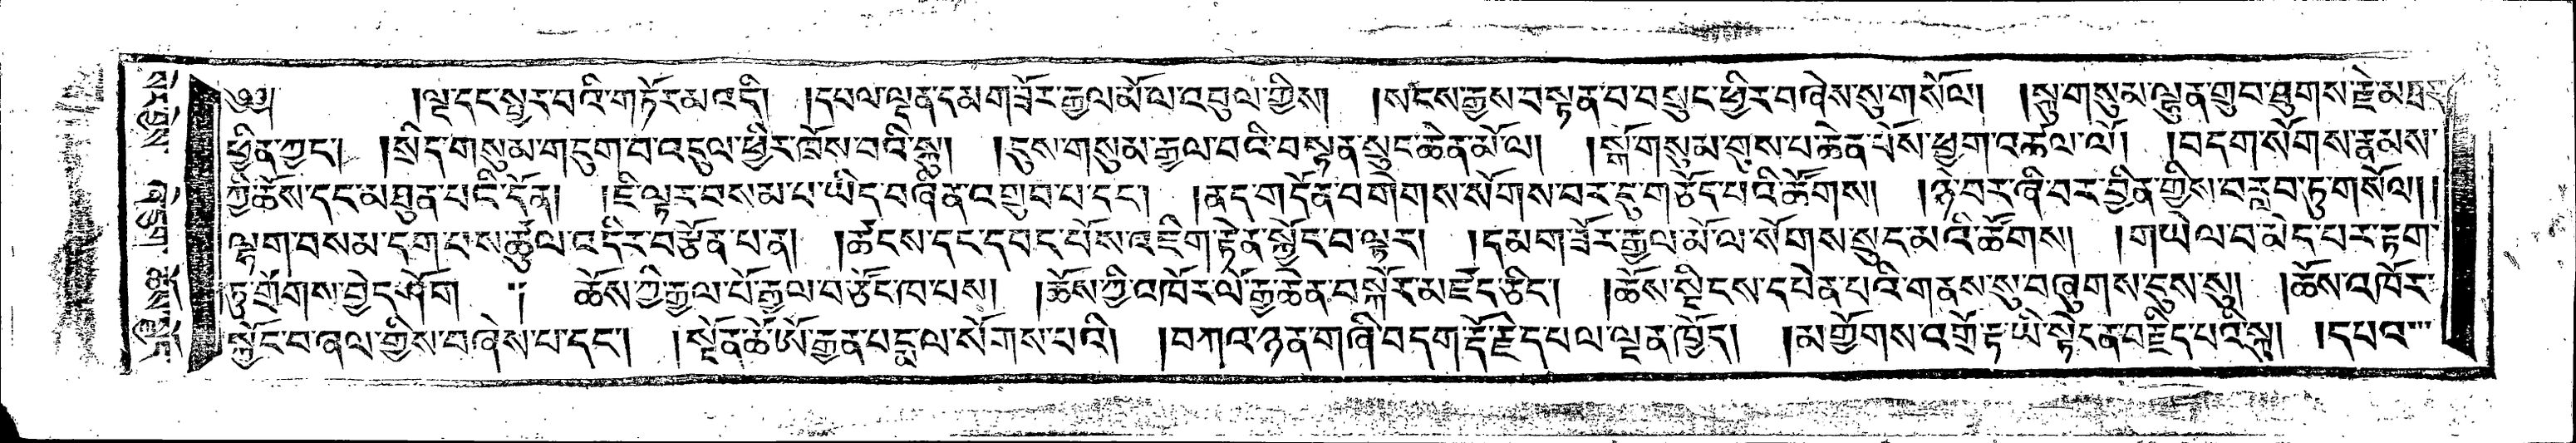༄༅། །ལྔ་དང་སྦྱར་བའི་གཏོར་མ་འདི། །དཔལ་ལྡན་དམག་ཟོར་རྒྱལ་མོ་ལ་འབུལ་གྱིས། །སངས་རྒྱས་བསྟན་པ་བསྲུང་ཕྱིར་བཞེས་སུ་གསོལ། །སྐུ་གསུམ་ལྷུན་གྲུབ་ཐུགས་རྗེ་མཐར་
ཕྱིན་ཀྱང་། །སྲིད་གསུམ་གདུག་པ་འདུལ་ཕྱིར་ཁྲོས་པའི་སྐུ། །དུས་གསུམ་རྒྱལ་བའི་བསྟན་སྲུང་ཆེན་མོ་ལ། །སྒོ་གསུམ་གུས་པ་ཆེན་པོས་ཕྱག་འཚལ་ལོ། །བདག་སོགས་རྣམས་
ཀྱི་ཆོས་དང་མཐུན་པའི་དོན། །ཇི་ལྟར་བསམ་པ་ཡིད་བཞིན་འགྲུབ་པ་དང་། །ནད་གདོན་བགེགས་སོགས་བར་དུ་གཅོད་པའི་ཚོགས། །ཉེ་བར་ཞི་བར་བྱིན་གྱིས་བརླབ་ཏུ་གསོལ། །
ལྷག་བསམ་དག་པས་ཚུལ་འདིར་བརྩོན་པ་ན། །ཚངས་དང་དབང་པོས་འཇིག་རྟེན་སྐྱོང་བ་ལྟར། །དམག་ཟོར་རྒྱལ་མོ་ལ་སོགས་སྲུང་མའི་ཚོགས། །གཡེལ་བ་མེད་པར་རྟག་
ཏུ་གྲོགས་བྱེད་ཤོག ༈ ཆོས་ཀྱི་རྒྱལ་པོ་རྒྱལ་བ་ཙོང་ཁ་པས། །ཆོས་ཀྱི་འཁོར་ལོ་རྒྱ་ཆེན་བསྐོར་མཛད་ཅིང་། །ཆོས་སྡིངས་དབེན་པའི་གནས་སུ་བཞུགས་དུས་སུ། །ཆོས་འཁོར་
སྐྱོང་བ་ཞལ་གྱིས་བཞེས་པ་དང་། །སྔོན་ཚེ་ཨོ་རྒྱན་པདམ་ལ་སོགས་པའི། །བཀའ་ཉན་གཞི་བདག་རྡོ་རྗེ་དཔལ་ལྡན་ཁྱོད། །མགྱོགས་འགྲོ་རྟ་ཡི་སྟེང་ན་བརྗིད་པའི་སྐུ། །དཔའ་